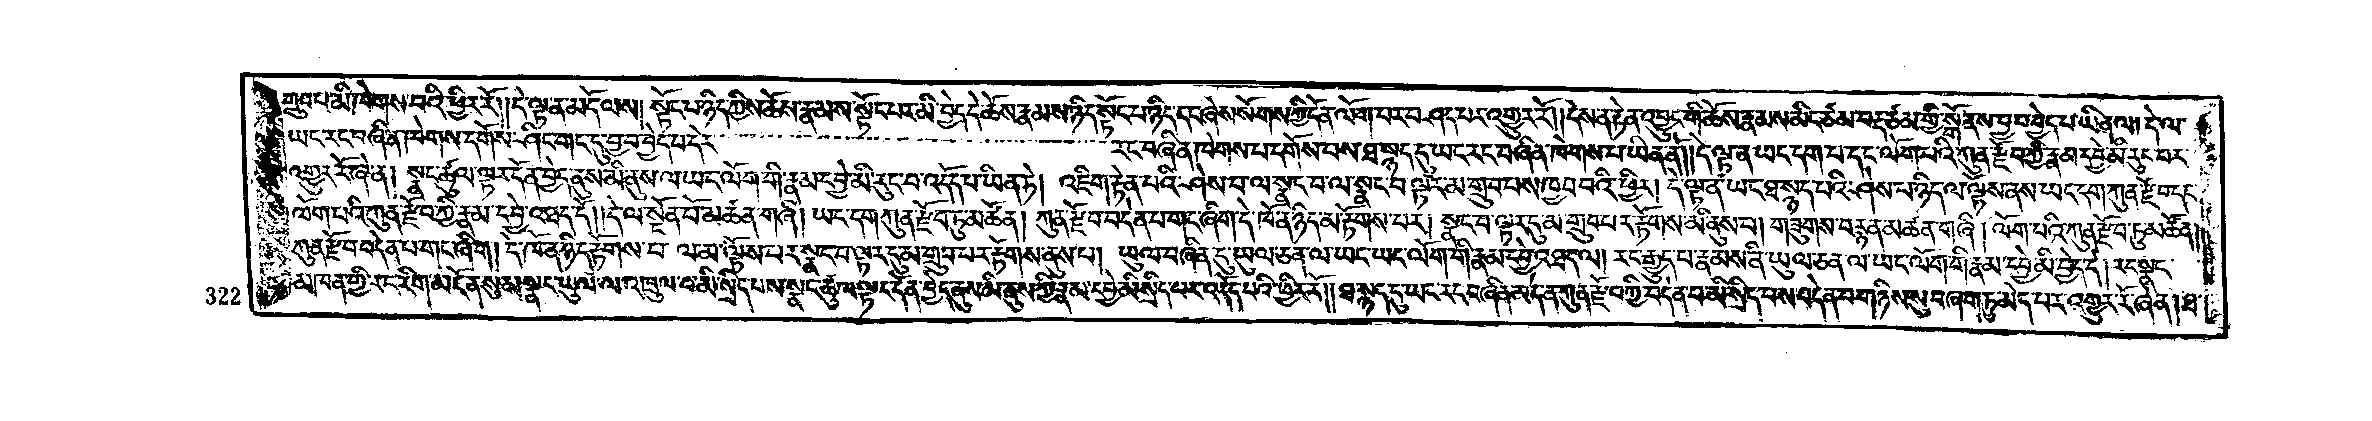གྲུབ་པ་མི་ཁེགས་པའི་ཕྱིར་རོ། །དེ་ལྟ་ན་མདོ་ལས། སྟོང་པ་ཉིད་ཀྱིས་ཆོས་རྣམས་སྟོང་པར་མི་བྱེད་དེ་ཆོས་རྣམས་ཉིད་སྟོང་པ་ཉིད་དང་ཞེས་སོགས་ཀྱི་དོན་ལོག་པར་བཤད་པར་འགྱུར་རོ། །དེས་ན་རྟེན་འབྱུང་གི་ཆོས་རྣམས་མིང་ཙམ་བརྡ་ཙམ་གྱི་སྒོ་ནས་བྱ་བ་བྱེད་པ་ཡིན་ལ། དེ་ལ་
ཡང་རང་བཞིན་ཁེགས་དགོས་ཤིང་གང་དུ་བྱ་བ་བྱེད་པ་དེར་རང་བཞིན་ཁེགས་པ་དགོས་པས་ཐ་སྙད་དུ་ཡང་རང་བཞིན་ཁེགས་པ་ཡིན་ནོ། །དེ་ལྟ་ན་ཡང་དག་པ་དང་ལོག་པའི་ཀུན་རྫོབ་ཀྱི་རྣམ་དབྱེ་མི་རུང་བར་
འགྱུར་རོ་ཞེ་ན། སྣང་ཚུལ་ལྟར་དོན་བྱེད་ནུས་མི་ནུས་ལ་ཡང་ལོག་གི་རྣམ་དབྱེ་མི་རུང་བ་འདོད་པ་ཡིན་ཏེ། འཇིག་རྟེན་པའི་ཤེས་པ་ལ་སྣང་བ་ལ་སྣང་བ་ལྟར་མ་གྲུབ་པས་ཁྱབ་པའི་ཕྱིར། དེ་ལྟ་ན་ཡང་ཐ་སྙད་པའི་ཤེས་པ་ཉིད་ལ་ལྟོས་ནས་ཡང་དག་ཀུན་རྫོབ་དང་
ལོག་པའི་ཀུན་རྫོབ་ཀྱི་རྣམ་དབྱེ་འཐད་དོ། །དེ་ལ་སྔོན་པོ་མཚན་གཞི། ཡང་དག་ཀུན་རྫོབ་ཏུ་མཚོན། ཀུན་རྫོབ་བདེན་པ་གང་ཞིག་དེ་ཁོ་ན་ཉིད་མ་རྟོགས་པར། སྣང་བ་ལྟར་དུ་མ་གྲུབ་པར་རྟོགས་མི་ནུས་པ། གཟུགས་བརྙན་མཚན་གཞི། ལོག་པའི་ཀུན་རྫོབ་ཏུ་མཚོན། །
ཀུན་རྫོབ་བདེན་པ་གང་ཞིག །དེ་ཁོ་ན་ཉིད་རྟོགས་པ་ལ་མ་ལྟོས་པར་སྣང་བ་ལྟར་དུ་མ་གྲུབ་པར་རྟོགས་ནུས་པ། ཡུལ་བཞིན་དུ་ཡུལ་ཅན་ལ་ཡང་ཡང་ལོག་གི་རྣམ་དབྱེ་འཐད་ལ། རང་རྒྱུད་པ་རྣམས་ནི་ཡུལ་ཅན་ལ་ཡང་ལོག་གི་རྣམ་དབྱེ་མི་བྱེད་དེ། རང་སྣང་
མཁན་གྱི་རང་རིག་མངོན་སུམ་སྣང་ཡུལ་ལ་འཁྲུལ་བ་མི་སྲིད་པས་སྣང་ཚུལ་ལྟར་དོན་བྱེད་ནུས་མི་ནུས་ཀྱི་རྣམ་དབྱེ་མི་སྲིད་པར་འདོད་པའི་ཕྱིར་རོ། །ཐ་སྙད་དུ་ཡང་རང་བཞིན་མེད་ན་ཀུན་རྫོབ་ཀྱི་བདེན་པ་མི་སྲིད་པས་བདེན་པ་གཉིས་སུ་བཞག་ཏུ་མེད་པར་འགྱུར་རོ་ཞེ་ན། ཐ་